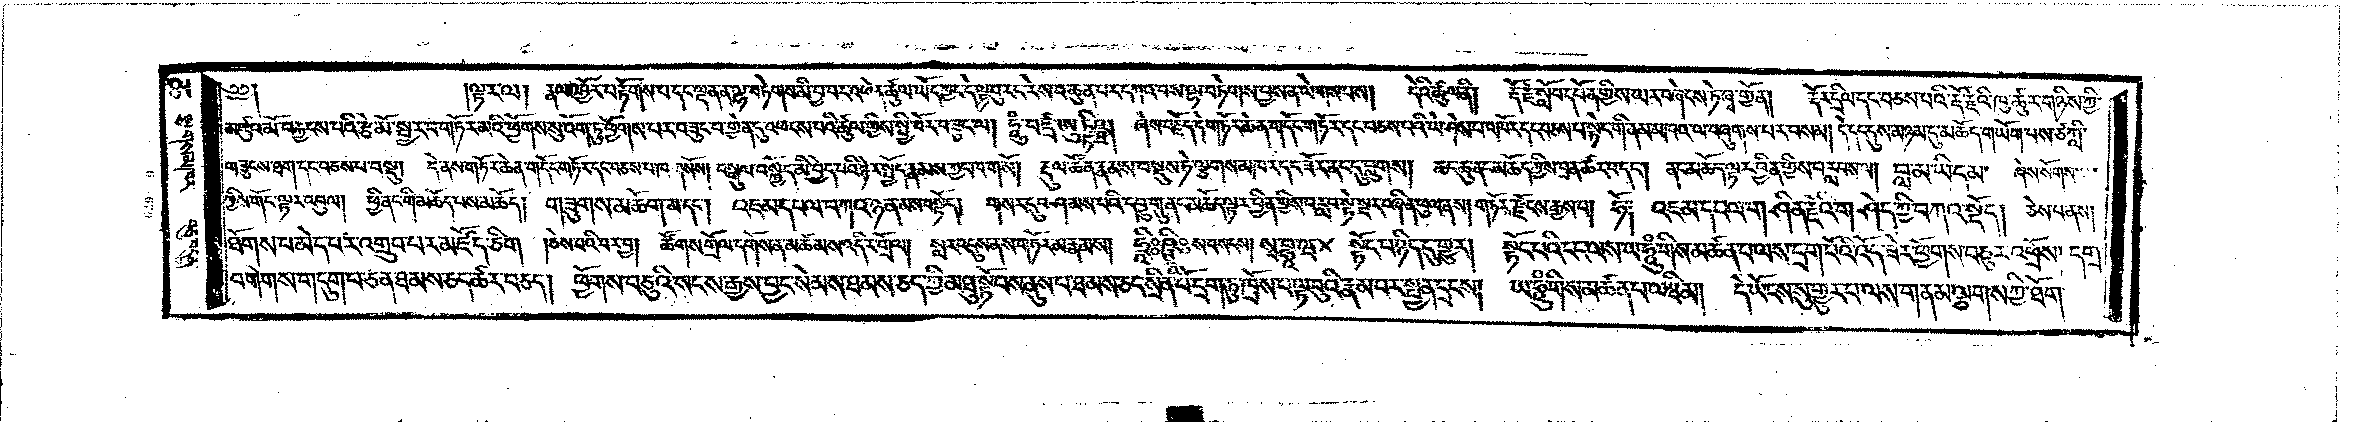༄༅། །ལྟར་ལ། རྣལ་འབྱོར་པ་རྟོགས་པ་དང་ལྡན་ན་ལྷ་བཏེགས་མི་བྱ་བར་འཕེན་ཚུལ་ཡོད་ཀྱང་དེ་ལྟ་བུ་རང་རེས་འཆུན་པར་དཀའ་བས་ལྷ་བཏེགས་བྱས་ན་ལེགས་པས། དེའི་ཚུལ་ནི། རྡོ་རྗེ་སློབ་དཔོན་གྱིས་ཡར་བཞེངས་ཏེ་ཞྭ་གྱོན། རྡོར་དྲིལ་དང་བཅས་པའི་རྡོ་རྗེའི་ཁུ་ཚུར་གཉིས་ཀྱི་
མཛུབ་མོ་བརྐྱངས་པའི་རྩེ་མོ་སྦྱར་བ་གཏོར་མའི་ཕྱོགས་སུ་འོག་ཏུ་ཕྱོགས་པར་བཟུང་བ་གྱེན་དུ་འཕགས་པའི་ཚུལ་གྱིས་སྤྱི་བོར་བཟུང་ལ། ཧཱུཾ་བཛྲ་ཨུཏཏཥཊཿཨི། ཞེས་བརྗོད་དེ་གཏོར་ཆེན་གདོང་གཏོར་དང་བཅས་པའི་ཡེ་ཤེས་པ་འཁོར་དང་བཅས་པ་སྟེང་གི་ནམ་མཁའ་ལ་བཞགས་པར་བསམ། དེ་དང་དུས་མཉམ་དུ་མཆོད་གཡོག་པས་ཙཀླི་
གཟུངས་ཐག་དང་བཅས་པ་བསྡུ། དེ་ནས་གཏོར་ཆེན་གདོངས་གཏོར་དང་བཅས་པ་ཁ་གསོས། བསྐུལ་བསྐྱོད་མེ་བྱེད་པའི་ཉེར་སྤྱོད་རྣམས་ཀྱང་ཁག་སོ། རྡུལ་ཚོན་རྣམས་བསྡུས་ཏེ་ལྕགས་མཁར་དང་ཟོར་ནང་དུ་བླུགས། ཆང་ཆུ་ནང་མཆོད་ཀྱིས་བྲན་ཚར་བ་དང་། ནང་མཆོད་ལྟར་བྱིན་གྱིས་བརླབས་ལ། བླ་མ་ཡི་དམ་ཞེས་སོགས་
ཀྱིས་གོང་ལྟར་འབུལ། ཕྱི་ནང་གི་མཆོད་པས་མཆོད། གཟུགས་མཆོག་མ་དང་། འཇམ་དཔལ་བ་བཀའ་ཉན་མས་བསྟོད། གསར་དུ་བཤམས་པའི་དབྱུ་གུ་ནང་མཆོད་ལྟར་བྱིན་གྱིས་བརླབ་སྟེ་སྔར་བཞིན་ཕུལ་ནས། གཏོར་རྫོངས་རྒྱས་པ། ཧོ༑ འཇམ་དཔལ་གཤིན་རྗེའི་གཤེད་ཀྱི་བཀའ་སྡོད། ཅེས་པ་ནས།
ཐོགས་པ་མེད་པར་འགྲུབ་པར་མཛོད་ཅིག །ཅེས་པའི་བར་བྱ། །ཚོགས་གྲོལ་དགོས་ན་མཚམས་འདིར་གྲོལ། སླར་འདུས་ནས་གཏོར་མ་རྣམས། ཧྲཱིཿ ཥྚྲཱིཿ ས་བསངས། སྭབྷཱ་ཝ྾་སྟོང་པ་ཉིད་དུ་གྱུར། སྟོང་པའི་ངང་ལས་ཡ་ཧཱུཾ་གིས་མཚན་པ་ལས་དྲག་པོའི་འོད་ཟེར་ཕྱོགས་བཅུར་འཕྲོས། དགྲ་
བགེགས་གདུག་པ་ཅན་ཐམས་ཅད་ཚར་བཅད། ཕྱོགས་བཅུའི་སངས་རྒྱས་བྱང་སེམས་ཐམས་ཅད་ཀྱི་མཐུ་སྟོབས་ནུས་པ་ཐམས་ཅད་སྲིན་པོ་དྲག་ཏུ་ཁྲོས་པ་ལྟ་བུའི་རྣམ་པ་སྤྱན་དྲངས། ཨ་ཧཱུཾ་གིས་མཚན་པ་ལ་ཐིམ། དེ་ཡོངས་སུ་གྱུར་པ་ལས་གནམ་ལྕགས་ཀྱི་ཐོག་